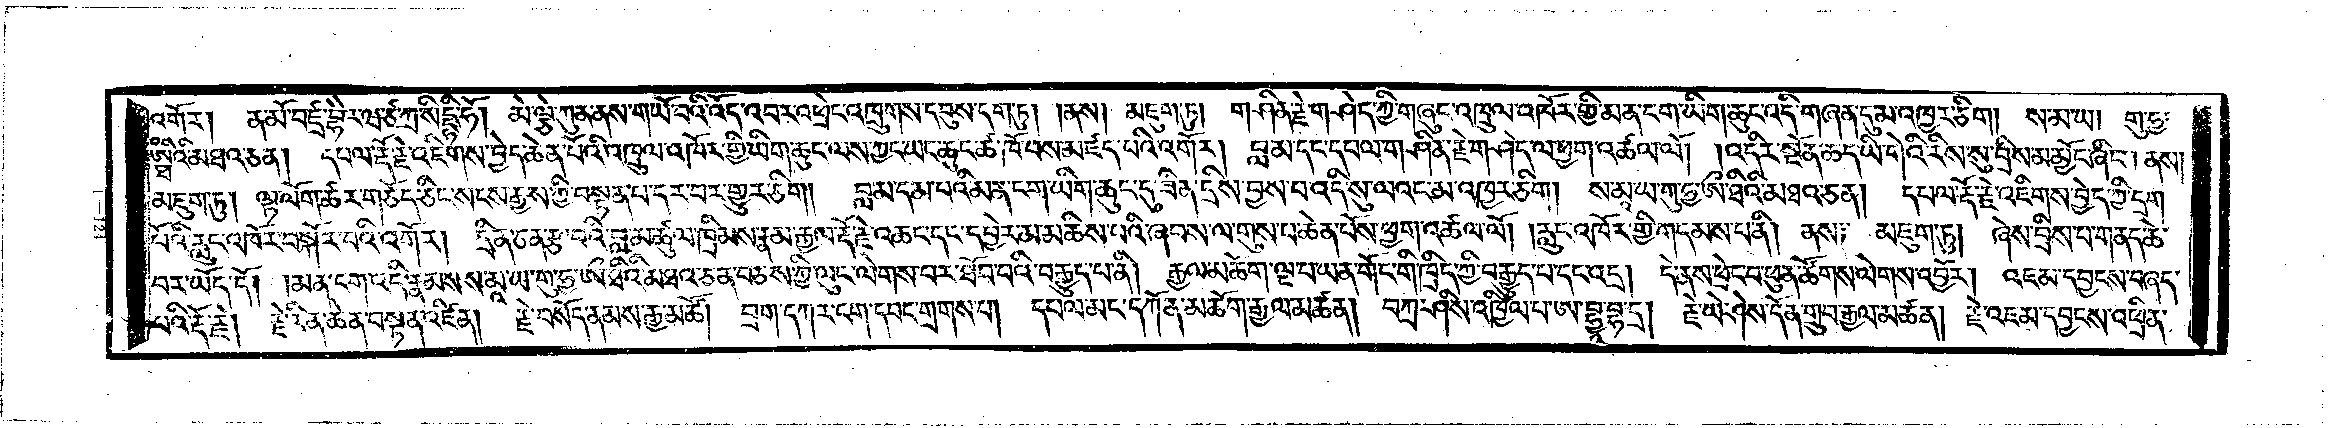འགོར། ན་མོ་བཛྲ་བྷཻ་ར་ཝ་ཙ་ཀྲ་སིདྡྷི་ཧོ། མེ་ལྕེ་ཀུན་ནས་གཡོ་བའི་འོད་འབར་འཕྲེང་འཁྲུགས་དབུས་དག་ཏུ། །ནས། མཇུག་ཏུ། གཤིན་རྗེ་གཤེད་ཀྱི་གཞུང་འཁྲུལ་འཁོར་གྱི་མན་ངག་ཡིག་ཆུང་འདི་གཞན་དུ་མ་འཁྱར་ཅིག །ས་མ་ཡ། གུ་ཧྱ་
ཨིཐཾའི་མཐའ་ཅན། དཔལ་རྡོ་རྗེ་འཇིགས་བྱེད་ཆེན་པོའི་འཁྲུལ་འཁོར་གྱི་ཡིག་ཆུང་ལས་ཀྱང་ཡང་ཆུང་ཚ་ཁོ་བས་མཛད་པའི་འགོར། བླ་མ་དང་དཔལ་གཤིན་རྗེ་གཤེད་ལ་ཕྱག་འཚལ་ལོ། །འདིར་སྔོན་ཆད་ཡི་གེའི་རིས་སུ་བྲིས་མ་མྱོང་ཞིང་། ནས།
མཇུག་ཏུ། ལྟ་ལོག་ཚར་གཅོད་ཅིང་སངས་རྒྱས་ཀྱི་བསྟན་པ་དར་བར་གྱུར་ཅིག །བླ་མ་དམ་པའི་མན་ངག་ཡིག་ཆུང་དུ་ཟིན་འདྲིས་བྱས་པ་འདི་སུ་ལའང་མ་འཁྱར་ཅིག །ས་མཱ་ཡ་གུ་ཧྱ་ཨྀ་ཐིའི་མཐའ་ཅན། དཔལ་རྡོ་རྗེ་འཇིགས་བྱེད་ཀྱི་དྲག་
པོའི་རླུང་འཁོར་བསྐོར་པའི་འགོར། དྲིན་ཅན་རྩ་བའི་བླ་མ་ཚུལ་ཁྲིམས་རྣམ་རྒྱལ་རྡོ་རྗེ་འཆང་དང་དབྱེར་མ་མཆིས་པའི་ཞབས་ལ་གུས་པ་ཆེན་པོས་ཕྱག་འཚལ་ལོ། །རླུང་འཁོར་གྱི་གདམས་པ་ནི། ནས༑ མཇུག་ཏུ། ཞེས་བྲིས་པ་གནད་ཆེ་
བར་ཡོད་དོ། །མན་ངག་འདི་རྣམས་ས་མཱ་ཡ་གུ་ཧྱ་ཨྀ་ཐིའི་མཐའ་ཅན་བཅས་ཀྱི་ལུང་ལེགས་པར་ཐོབ་བའི་བརྒྱུད་པ་ནི། རྒྱལ་མཆོག་ལྔ་པ་ཡན་གོང་གི་ཁྲིད་ཀྱི་བརྒྱུད་པ་དང་འདྲ། དེ་ནས་ཕྲེང་བ་ཕུན་ཚོགས་ལེགས་འབྱོར། འཇམ་དབྱངས་བཞད་
པའི་རྡོ་རྗེ། རྗེ་རིན་ཆེན་བསྟན་འཛིན། རྗེ་བསོད་ནམས་རྒྱ་མཚོ། བྲག་དཀར་ངག་དབང་གྲགས་པ། དཔལ་མང་དཀོན་མཆོག་རྒྱལ་མཚན། བཀྲ་ཤིས་འཁྱིལ་པ་ཨ་བྷྱཱ་བྷ་དྲ། རྗེ་ཡེ་ཤེས་དོན་གྲུབ་རྒྱལ་མཚན། རྗེ་འཇམ་དབྱངས་འཕྲིན་